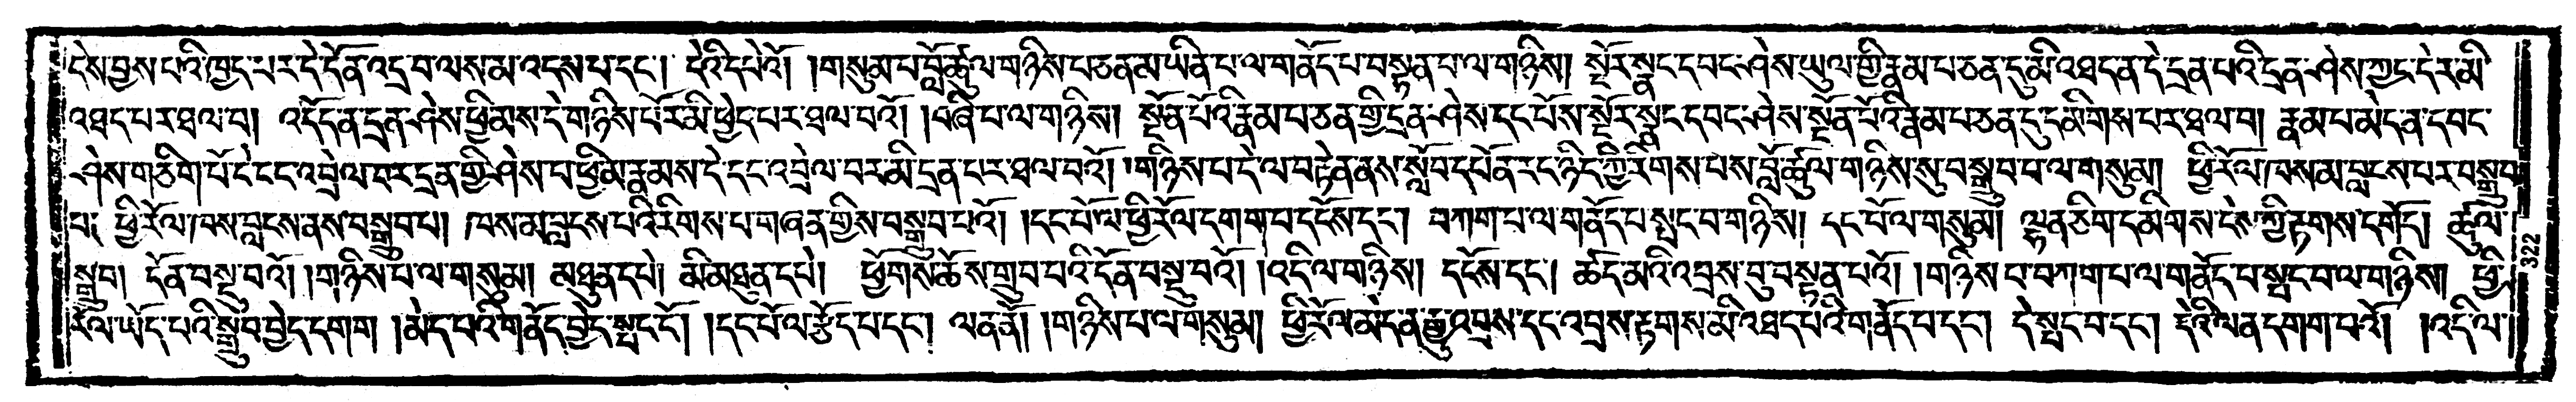དེས་བྱས་པའི་ཁྱད་པར་དེ་དོན་འདྲ་བ་ལས་མ་འདས་པ་དང་། དེའི་དཔེའོ། །གསུམ་པ་བློ་ཚུལ་གཉིས་པ་ཅན་མ་ཡིན་པ་ལ་གནོད་པ་བསྟན་པ་ལ་གཉིས། སྔོར་སྣང་དབང་ཤེས་ཡུལ་གྱི་རྣམ་པ་ཅན་དུ་མི་འཐད་ན་དེ་དྲན་པའི་དྲན་ཤེས་ཀྱང་དེར་མི་
འཐད་པར་ཐལ་བ། འདོད་ན་དྲན་ཤེས་ཕྱི་མས་དེ་གཉིས་པོར་མི་ཕྱེད་པར་ཐལ་བའོ། །བཞི་པ་ལ་གཉིས། སྔོན་པོའི་རྣམ་པ་ཅན་གྱི་དྲན་ཤེས་དང་པོས་སྔོར་སྣང་དབང་ཤེས་སྔོན་པོའི་རྣམ་པ་ཅན་དུ་དམིགས་པར་ཐལ་བ། རྣམ་པ་མེད་ན་དབང་
ཤེས་གཅིག་པོ་དེ་དང་འབྲེལ་བར་དྲན་གྱི་ཤེས་པ་ཕྱི་མ་རྣམས་དེ་དང་འབྲེལ་བར་མི་དྲན་པར་ཐལ་བའོ། །གཉིས་པ་དེ་ལ་བརྟེན་ནས་སློབ་དཔོན་རང་ཉིད་ཀྱི་རིགས་པས་བློ་ཚུལ་གཉིས་སུ་བསྒྲུབ་པ་ལ་གསུམ། ཕྱི་རོལ་ཁས་མ་བླངས་པར་བསྒྲུབ་
པ། ཕྱི་རོལ་ཁས་བླངས་ནས་བསྒྲུབ་པ། ཁས་མ་བླངས་པའི་རིགས་པ་གཞན་གྱིས་བསྒྲུབ་པའོ། །དང་པོ་ལ་ཕྱི་རོལ་དགག་པ་དངོས་དང་། བཀག་པ་ལ་གནོད་པ་སྤང་བ་གཉིས། དང་པོ་ལ་གསུམ། ལྷན་ཅིག་དམིགས་ངེས་ཀྱི་རྟགས་དགོད། ཚུལ་
སྒྲུབ། དོན་བསྡུ་བའོ། །གཉིས་པ་ལ་གསུམ། མཐུན་དཔེ། མི་མཐུན་དཔེ། ཕྱོགས་ཆོས་གྲུབ་པའི་དོན་བསྡུ་བའོ། །འདི་ལ་གཉིས། དངོས་དང་། ཚད་མའི་འབྲས་བུ་བསྟན་པའོ། །གཉིས་པ་བཀག་པ་ལ་གནོད་པ་སྤང་བ་ལ་གཉིས། ཕྱི་
རོལ་ཡོད་པའི་སྒྲུབ་བྱེད་དགག །མེད་པའི་གནོད་བྱེད་སྤང་ངོ། །དང་པོ་ལ་རྩོད་པ་དང་། ལན་ནོ། །གཉིས་པ་ལ་གསུམ། ཕྱི་རོལ་མེད་ན་རྒྱུ་འབྲས་དང་འབྲས་རྟགས་མི་འཐད་པའི་གནོད་པ་དང་། དེ་སྤང་བ་དང་། དེའི་ལན་དགག་པའོ། །འདི་ལ་